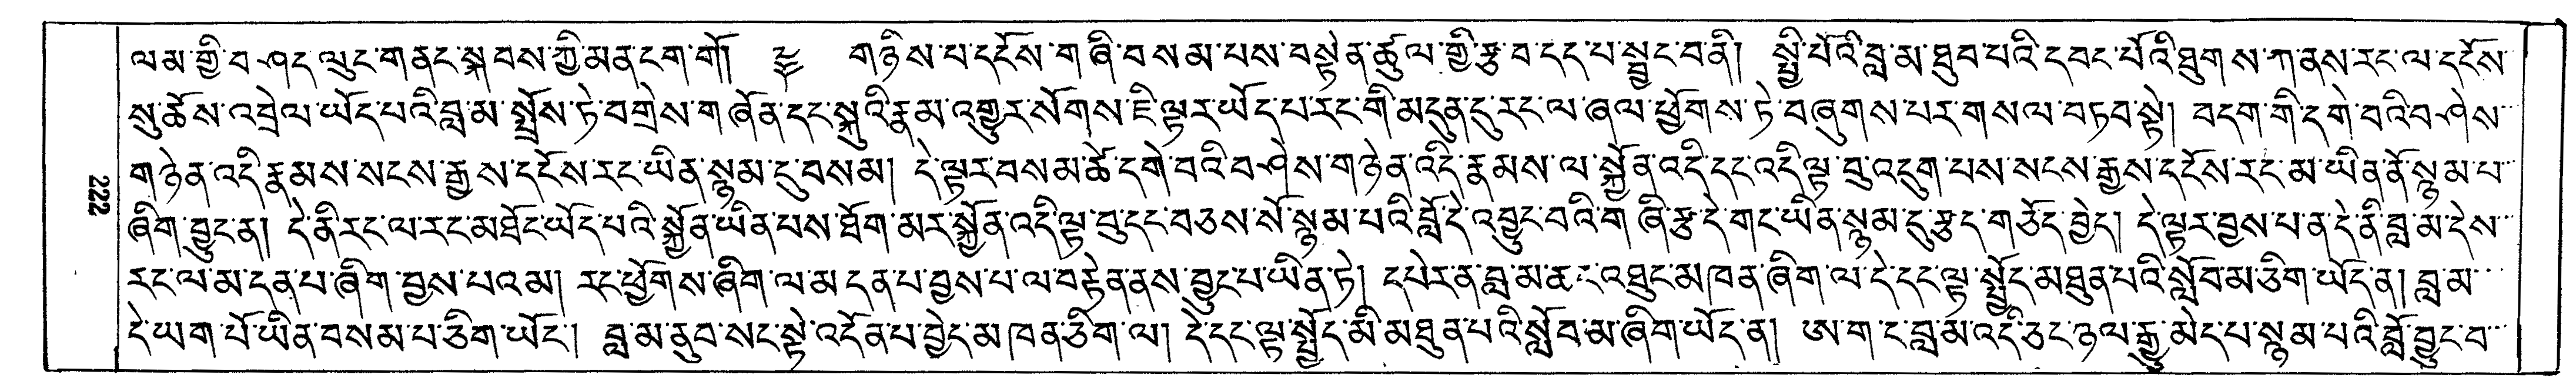ལམ་གྱི་བཤད་ལུང་གནང་སྐབས་ཀྱི་མན་ངག་གོ། ༈ གཉིས་པ་དངོས་གཞི་བསམ་པས་བསྟེན་ཚུལ་གྱི་རྩ་བ་དད་པ་སྦྱང་བ་ནི། སྤྱི་བོའི་བླ་མ་ཐུབ་པའི་དབང་བོའི་ཐུགས་ཀ་ནས་རང་ལ་དངོས་
སུ་ཆོས་འབྲེལ་ཡོད་པའི་བླ་མ་སྤྲོས་ཏེ་བགྲེས་གཞོན་དང་སྐུའི་རྣམ་འགྱུར་སོགས་ཇི་ལྟར་ཡོད་པ་རང་གི་མདུན་དུ་རང་ལ་ཞལ་ཕྱོགས་ཏེ་བཞུགས་པར་གསལ་བཏབ་སྟེ། བདག་གི་དགེ་བའི་བཤེས་
གཉེན་འདི་རྣམས་སངས་རྒྱས་དངོས་རང་ཡིན་སྙམ་དུ་བསམ། དེ་ལྟར་བསམ་ཚེ་དགེ་བའི་བཤེས་གཉེན་འདི་རྣམས་ལ་སྐྱོན་འདི་དང་འདི་ལྟ་བུ་འདུག་པས་སངས་རྒྱས་དངོས་རང་མ་ཡིན་ནོ་སྙམ་པ་
ཞིག་བྱུང་ན། དེ་ནི་རང་ལ་རང་མཐོང་ཡོད་པའི་སྐྱོན་ཡིན་པས་ཐོག་མར་སྐྱོན་འདི་ལྟ་བུ་དང་བཅས་སོ་སྙམ་པའི་བློ་དེ་འབྱུང་བའི་གཞི་རྩ་དེ་གང་ཡིན་སྙམ་དུ་རྩད་གཅོད་བྱེད། དེ་ལྟར་བྱས་པ་ན་དེ་ནི་བླ་མ་དེས་
རང་ལ་མ་ངན་པ་ཞིག་བྱས་པའམ། རང་ཕྱོགས་ཞིག་ལ་མ་དན་པ་བྱས་པ་ལ་བརྟེན་ནས་བྱུང་པ་ཡིན་ཏེ། དཔེར་ན་བླ་མ་ཆང་འཐུང་མཁན་ཞིག་ལ་དེ་དང་ལྟ་སྤྱོད་མཐུན་པའི་སློབ་མ་ཅིག་ཡོད་ན། བླ་མ་
དེ་ཡག་པོ་ཡིན་བསམ་པ་ཅིག་ཡོང་། བླ་མ་ནུབ་སང་སྟེ་འདོན་པ་བྱེད་མཁན་ཅིག་ལ། དེ་དང་ལྟ་སྤྱོད་མི་མཐུན་པའི་སློབ་མ་ཞིག་ཡོད་ན། ཨ་ག་ང་བླ་མ་འདི་ཅང་ཉལ་རྒྱུ་མེད་པ་སྙམ་པའི་བློ་བྱུང་བ་